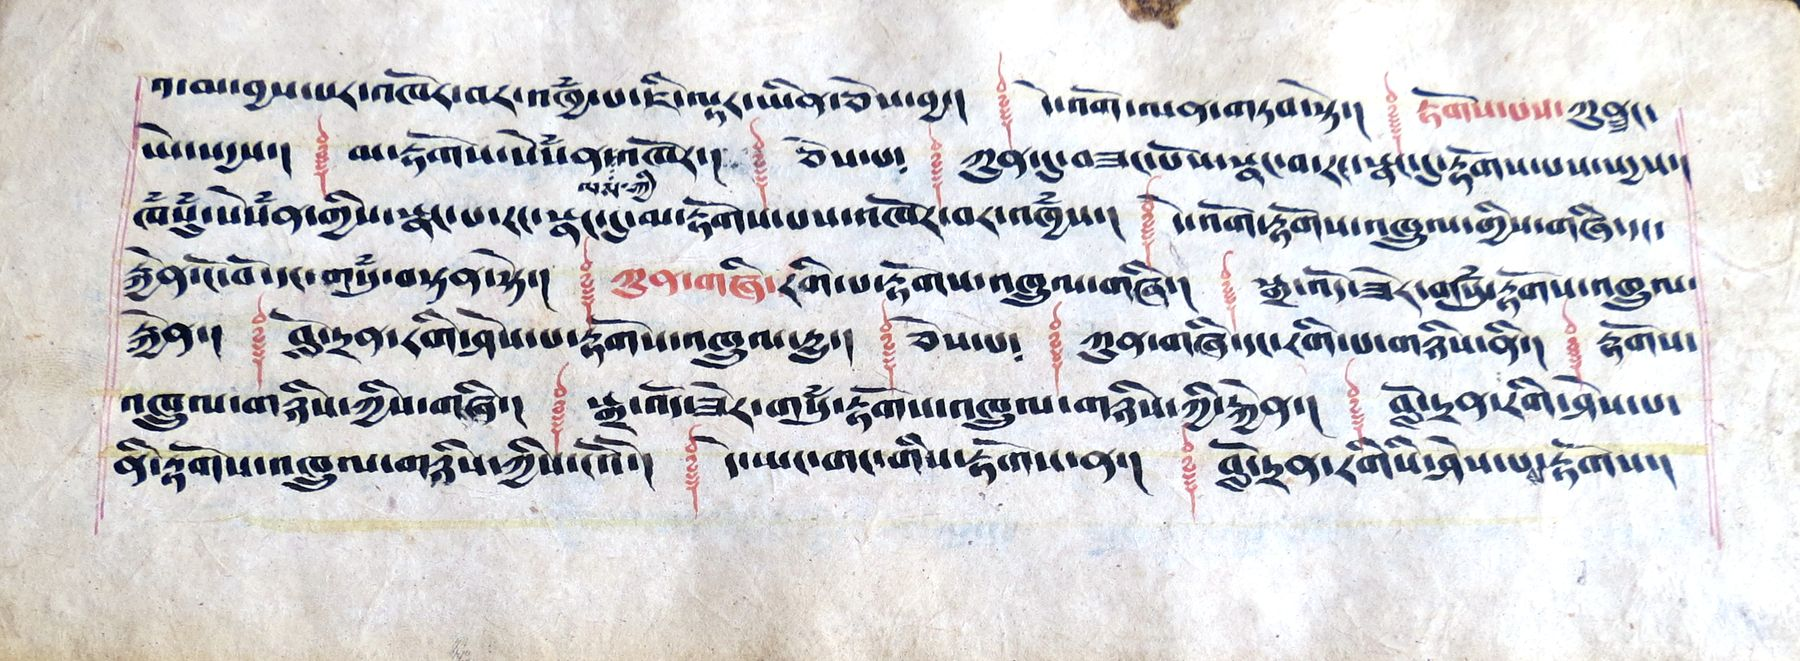ཞིག་མ་བྱས་པར་འཁོར་བར་འཁྱམས་པ་ཇི་ལྟར་ཡིན་ཅེས་བྱ། དེ་འོག་ལན་བཏབ་སྟེ། རྟོགས་པས་ཀུན་
བཟང་ཡེ་སངས་རྒྱས། མ་རྟོགས་སེམས་ཅན་ལས་ཀྱིས་འཁོར། །ཅེས་པས། ཀུན་ཏུ་བཟང་པོས་སྣང་བ་རང་སྣང་དུ་རྟོགས་པས་སངས་རྒྱས། 
ཁམས་གསུམ་སེམས་ཅན་གྱིས་སྣང་བ་རང་སྣང་དུ་མ་རྟོགས་པས་འཁོར་བར་འཁྱམས། དེ་འོག་རྟོགས་འཁྲུལ་གྱི་གཞི་དང་
རྐྱེན་ངོ་བོ་དང་གསུམ་བསྟན་ཏེ། ཀུན་གཞི་རིག་པ་རྟོགས་འཁྲུལ་གཞི། སྒྲ་འོད་ཟེར་གསུམ་རྟོགས་འཁྲུལ་
རྐྱེན། བློ་དྲན་རིག་ཤེས་པ་རྟོགས་འཁྲུལ་རྒྱུ། །ཞེས་པས་ཀུན་གཞི་དང་རིག་པ་གཉིས་ནི། རྟོགས་
འཁྲུལ་གཉིས་ཀྱི་གཞི། སྒྲ་འོད་ཟེར་གསུམ་རྟོགས་འཁྲུལ་གཉིས་ཀྱི་རྐྱེན། བློ་དྲན་རིག་ཤེས་པ་
ནི་རྟོགས་འཁྲུལ་གཉིས་ཀྱི་ངོ་བོ། དེ་ཡང་གང་གིས་རྟོགས་ན། བློ་དྲན་རིག་གི་ཤེས་པས་རྟོགས།